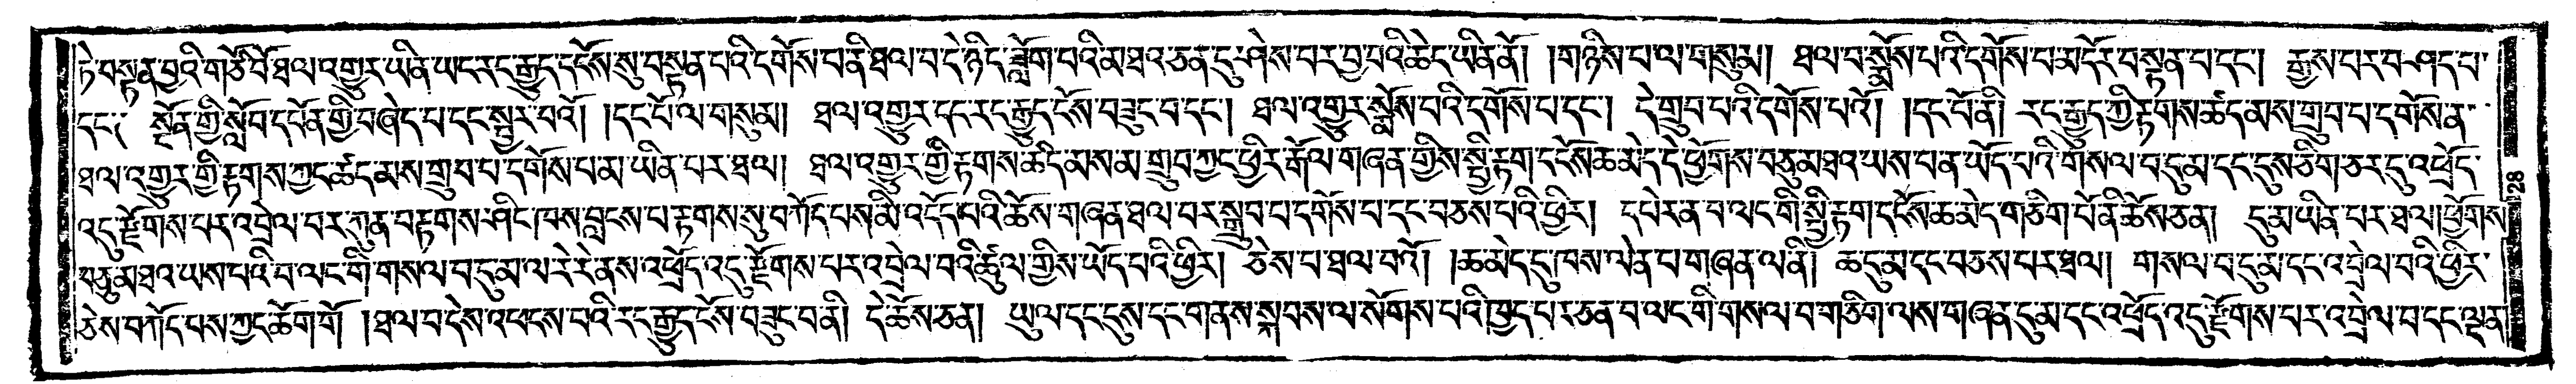ཏེ་བསྟན་བྱའི་གཙོ་བོ་ཐལ་འགྱུར་ཡིན་ཡང་རང་རྒྱུད་དངོས་སུ་བསྟན་པའི་དགོས་པ་ནི་ཐལ་བ་དེ་ཉིད་ཟློག་པའི་མཐའ་ཅན་དུ་ཤེས་པར་བྱ་བའི་ཆེད་ཡིན་ནོ། །གཉིས་པ་ལ་གསུམ། ཐལ་བ་སྨོས་པའི་དགོས་པ་མདོར་བསྟན་པ་དང་། རྒྱས་པར་བཤད་པ་
དང༑ སྔོན་གྱི་སློབ་དཔོན་གྱི་བཞེད་པ་དང་སྦྱར་བའོ། །དང་པོ་ལ་གསུམ། ཐལ་འགྱུར་དང་རང་རྒྱུད་ངོས་བཟུང་བ་དང་། ཐལ་འགྱུར་སྨོས་པའི་དགོས་པ་དང་། དེ་གྲུབ་པའི་དགོས་པའོ། །དང་པོ་ནི། རང་རྒྱུད་ཀྱི་རྟགས་ཚད་མས་གྲུབ་པ་དགོས་ན་
ཐལ་འགྱུར་གྱི་རྟགས་ཀྱང་ཚད་མས་གྲུབ་པ་དགོས་པ་མ་ཡིན་པར་ཐལ། ཐལ་འགྱུར་གྱི་རྟགས་ཚད་མས་མ་གྲུབ་ཀྱང་ཕྱིར་རྒོལ་གཞན་གྱིས་སྤྱི་རྟག་དངོས་ཆ་མེད་དེ་ཕྱོགས་བཅུ་མཐའ་ཡས་པ་ན་ཡོད་པའི་གསལ་བ་དུ་མ་དང་དུས་ཅིག་ཅར་དུ་འཕྲོད་
འདུ་རྫོགས་པར་འབྲེལ་བར་ཀུན་བརྟགས་ཤིང་ཁས་བླངས་པ་རྟགས་སུ་བཀོད་པས་མི་འདོད་པའི་ཆོས་གཞན་ཐལ་བར་སྒྲུབ་པ་དགོས་པ་དང་བཅས་པའི་ཕྱིར། དཔེར་ན་བ་ལང་གི་སྤྱི་རྟག་དངོས་ཆ་མེད་གཅིག་པོ་ནི་ཆོས་ཅན། དུ་མ་ཡིན་པར་ཐལ། ཕྱོགས་
བཅུ་མཐའ་ཡས་པའི་བ་ལང་གི་གསལ་བ་དུ་མ་ལ་རེ་རེ་ནས་འཕྲོད་འདུ་རྫོགས་པར་འབྲེལ་བའི་ཚུལ་གྱིས་ཡོད་པའི་ཕྱིར། ཅེས་པ་ཐལ་བའོ། །ཆ་མེད་དུ་ཁས་ལེན་པ་གཞན་ལ་ནི། ཆ་དུ་མ་དང་བཅས་པར་ཐལ། གསལ་བ་དུ་མ་དང་འབྲེལ་བའི་ཕྱིར་
ཅེས་བཀོད་པས་ཀྱང་ཆོག་གོ །ཐལ་བ་དེས་འཕངས་པའི་རང་རྒྱུད་ངོས་བཟུང་བ་ནི། དེ་ཆོས་ཅན། ཡུལ་དང་དུས་དང་གནས་སྐབས་ལ་སོགས་པའི་ཁྱད་པར་ཅན་བ་ལང་གི་གསལ་བ་གཅིག་ལས་གཞན་དུ་མ་དང་འཕྲོད་འདུ་རྫོགས་པར་འབྲེལ་བ་དང་ལྡན་